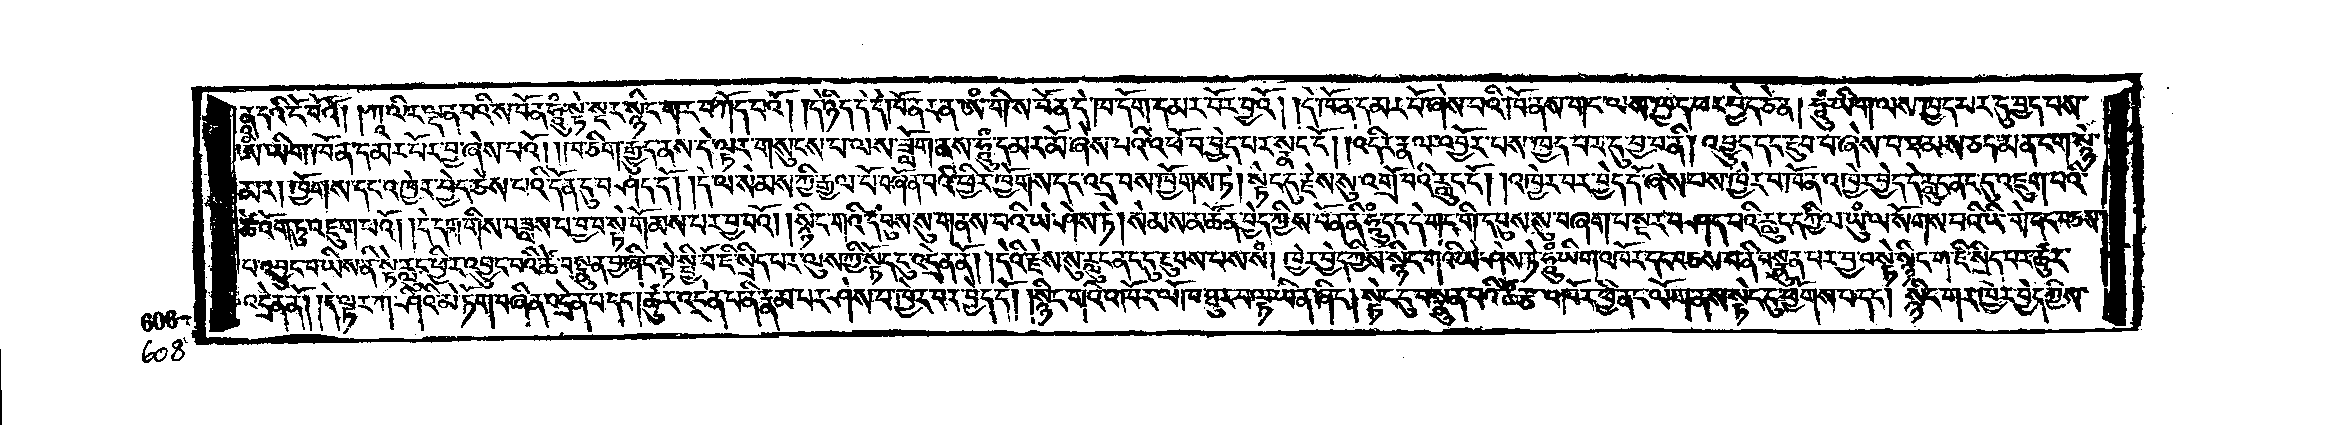ནཱ་དའི་ངོ་བོའོ། །ཀཱ་ལིར་ལྡན་བའི་ས་བོན་ཧཱུཾ་སྟེ་སྔར་སྙིང་གར་བཀོད་པའོ། །དེ་ཉིད་དེ་དེ་ཁོ་ནར་ནི་ཨཾ་གི་ས་བོན་དེ་ཁ་དོག་དམར་བོར་བྱའོ། །དེ་ཁོ་ན་དམར་པོ་ཞེས་པའི་ཁོ་ནས་གང་ལས་ཁྱད་པར་བྱེད་ཅེ་ན། ཧཱུཾ་ཡིག་ལས་ཁྱད་པར་དུ་བྱད་པས་
ཨཾ་ཡིག་ཁོ་ན་དམར་པོར་བྱ་ཞེས་པའོ། །ཁ་ཅིག་རྒྱུད་ནས་དེ་ལྟར་གསུངས་པ་ལས་ཟློག་ནས་ཧཱུཾ་དམར་མོ་ཞེས་པའི་འཕོ་བ་བྱེད་པར་སྣང་ངོ། །འདིར་རྣལ་འབྱོར་པས་ཁྱད་པར་དུ་བྱ་བ་ནི། འབྱུང་དང་རྔུབ་པ་ཞེས་པ་ཐམས་ཅད་མན་ངག་སྙ་
མར། ཁྱོགས་དང་འཁྱེར་བྱེད་ཅེས་པའི་དོན་དུ་བཤད་དོ། །དེ་ལ་སེམས་ཀྱི་རྒྱལ་པོ་བཞོན་པའི་ཕྱིར་ཁྱོགས་དང་འདྲ་བས་ཁྱོགས་ཏེ། སྟེང་དུ་རྗེས་སུ་འགྲོ་བའི་རླུང་དོ། །འཁོར་བར་བྱེད་དོ་ཞེས་པས་ཁྱེར་བ་ཁོ་ན་འཁྱེར་བྱེད་དེ་རླུང་ནང་དུ་འཇུག་པའི་
ཚེ་འོག་ཏུ་འཇུག་པའོ། །དེ་དག་གིས་བཟླས་པ་བྱ་བ་སྟེ་གོམས་པར་བྱའོ། །སྙིང་གའི་དབུས་སུ་གནས་པའི་ཡེ་ཤེས་ཏེ། སེམས་མཚོན་བྱེད་ཀྱི་ས་བོན་ནི་ཧཱུཾ་དང་དེ་གང་གི་དབུས་སུ་བཞག་པ་སྔར་བཤད་པའི་རླུང་དཀྱིལ་ཡུཾ་ལ་སོགས་པའི་ཡི་གེ་དང་བཅས་
པ་འབྱུང་བ་ཡིས་ནི་སྟེ་རླུང་ཕྱིར་འབྱུང་བའི་ཚེ་བསྣུན་བྱ་ཞིང་སྟེ་སྤྱི་བོ་ཇི་སྲིད་པར་ལུས་ཀྱི་སྟོད་དུ་འདྲེན་ནོ། །དེའི་རྗེས་སུ་རླུང་ནང་དུ་རྡུབས་པས་སཾ། ཁྱེར་བྱེད་ཀྱིས་སྙིང་གའི་ཡེ་ཤེས་ཏེ་ཧཱུཾ་ཡིག་འཁོར་དང་བཅས་པ་ནི་བསྣུན་པར་བྱ་བ་སྟེ་སྙིང་ག་ཇི་སྲིད་པར་ཚུར་
འདྲེན་ནོ། །དེ་ལྟར་ཀ་ཤིའི་མེ་ཏོག་བཞིན་འདྲེན་པ་དང་། ཚུར་འདྲེན་པ་ནི་རྣམ་པར་ཤེས་པ་ཁྱེར་བར་བྱེད་དོ། །སྙིང་གའི་འཁོར་ལོ་ཁ་ཐུར་བལྟ་ཡིན་ཞིང་། སྟེང་དུ་བསྣུན་པའི་ཚེ་རྩ་འཁོར་ཕྱི་ནང་ལོག་ནས་སྟེང་དུ་ཕྱོགས་པ་དང་། སྙིང་གར་ཁྱེར་བྱེད་ཀྱིས་